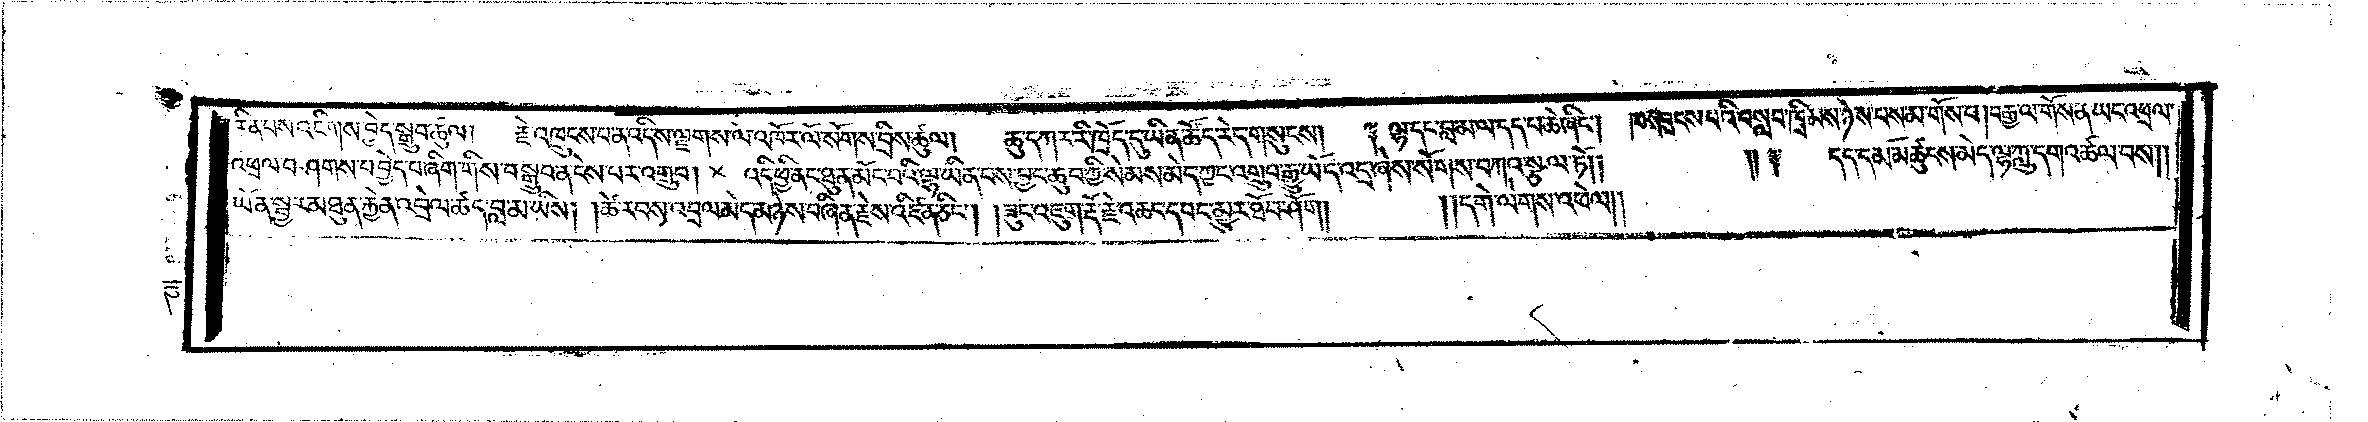རིན་པས་འཇིགས་བྱེད་སྒྲུབ་ཚུལ། རྗེ་འཁྲུངས་པ་ན་འདིས་ལྗགས་ལོ?་འཁོར་ལོ་སོགས་བྲིས་ཚུལ། ཆུ་དཀར་རི་ཁྲོད་དུ་ཡིན་ཚོད་རེད་གསུངས། ༈ ལྷ་དང་བླ་མ་ལ་དད་པ་ཆེ་ཞིང་། ཁས་བླངས་པའི་བསླབ་ཁྲིམས་ཉེས་བསམ་གོས་བ་།བརྒྱ་ལ་གོས་ན་ཡང་འཕྲལ་
འཕྲལ་བཤགས་པ་བྱེད་པ་ཞིག་གིས་བསྒྲུབ་ན་ངེས་པར་འགྲུབ། ྾་འདི་ཕྱི་ནང་ཐུན་མོང་བའི་ལྷ་ཡིན་པས་བྱང་ཆུབ་ཀྱི་སེམས་མེད་ཀྱང་འགྲུབ་རྒྱུ་ཡོད་འདྲ་ཞེས་སོགས་བཀའ་སྩལ་ཏོ།། །།༈ དད་དམ་མཚུངས་མེད་ལྷ་ཀླུ་དགའ་ཚལ་བས།།
ཡོན་སྦྱར་མཐུན་རྐྱེན་འབྲེལ་ཚད་བླ་མ་ཡིས། །ཚེ་རབས་འབྲལ་མེད་མཉེས་བཞིན་རྗེས་འཛིན་ཅིང་། །ཟུང་འཇུག་རྡོ་རྗེ་འཆང་དབང་མྱུར་ཐོབ་ཤོག། །།དགེ་ལེགས་འཕེལ།།